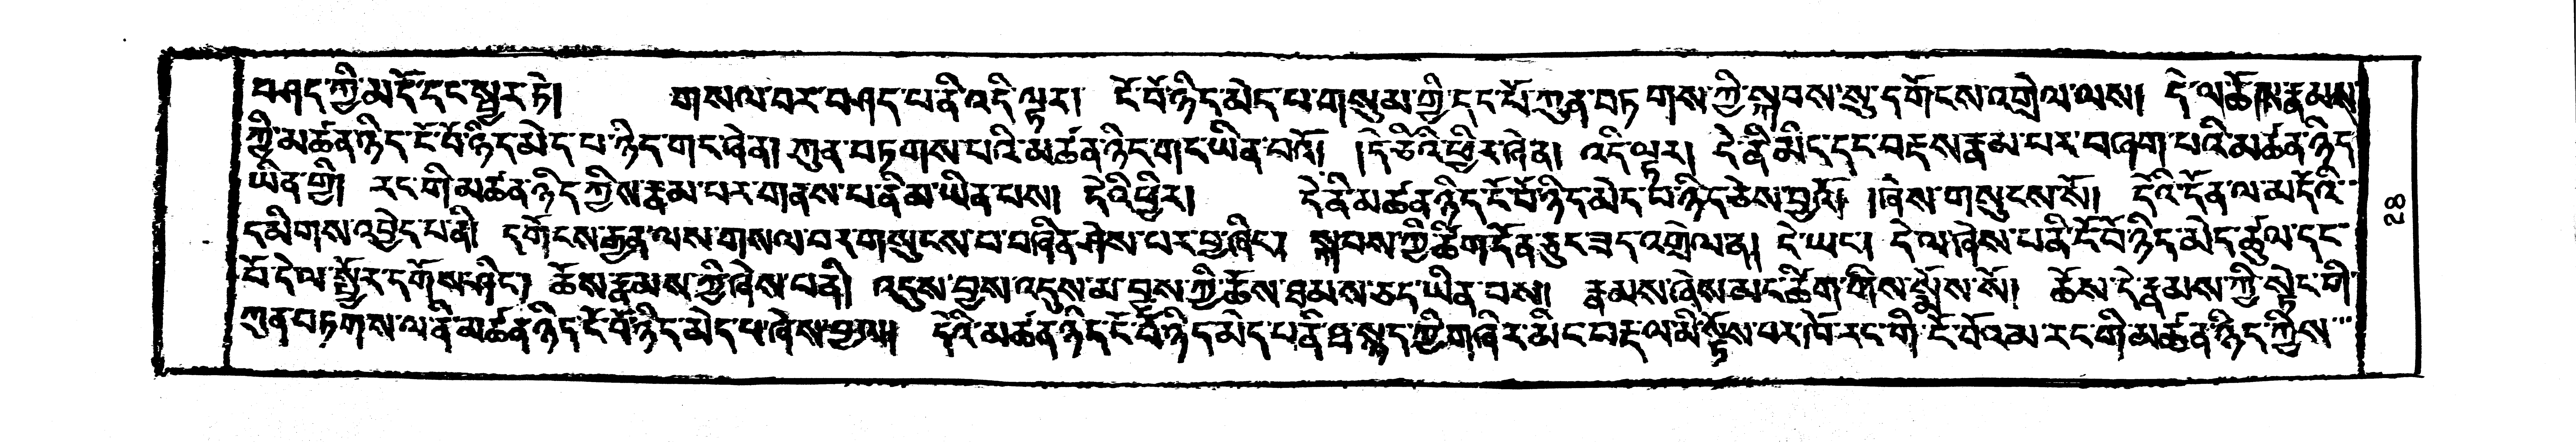བཤད་ཀྱི་མདོ་དང་སྦྱར་ཏེ། གསལ་བར་བཤད་པ་ནི་འདི་ལྟར། ངོ་བོ་ཉིད་མེད་པ་གསུམ་གྱི་དང་པོ་ཀུན་བཏགས་ཀྱི་སྐབས་སུ་དགོངས་འགྲེལ་ལས། དེ་ལ་ཆོས་རྣམས་
ཀྱི་མཚན་ཉིད་ངོ་བོ་ཉིད་མེད་པ་ཉིད་གང་ཞེ་ན། ཀུན་བཏགས་པའི་མཚན་ཉིད་གང་ཡིན་པའོ། །དེ་ཅིའི་ཕྱིར་ཞེ་ན། འདི་ལྟར། དེ་ནི་མིང་དང་བརྡས་རྣམ་པར་བཞག་པའི་མཚན་ཉིད་
ཡིན་གྱི། རང་གི་མཚན་ཉིད་རྣམ་པར་གནས་པ་ནི་མ་ཡིན་པས། དེའི་ཕྱིར། དེ་ནི་མཚན་ཉིད་ངོ་བོ་ཉིད་མེད་པ་ཉིད་ཅེས་བྱའོ། །ཞེས་གསུངས་སོ། དེའི་དོན་ལ་མདོའི་
དམིགས་འབྱེད་པ་ནི། དགོངས་རྒྱས་ལས་གསལ་བར་གསུངས་བ་བཞིན་ཤེས་པར་བྱ་ཞིང་། སྐབས་ཀྱི་ཚིག་དོན་ཅུང་ཟད་འགྲེལ་ན། དེ་ཡང་། དེ་ལ་ཞེས་པ་ནི་ངོ་བོ་ཉིད་མེད་ཚུལ་དང་
བོ་དེ་ལ་སྦྱོར་དགོས་ཤིང་། ཆོས་རྣམས་ཀྱི་ཞེས་པ་ནི། འདུས་བྱས་འདུས་མ་བྱས་ཀྱི་ཆོས་ཐམས་ཅད་ཡིན་པས། རྣམས་ཞེས་མང་ཚིག་གིས་སྨོས་སོ། ཆོས་དེ་རྣམས་ཀྱི་སྟེང་གི་
ཀུན་བཏགས་ལ་ནི་མཚན་ཉིད་ངོ་བོ་ཉིད་མེད་པ་ཞེ་ས་བྱ་ལ། དེའི་མཚན་ཉིད་ངོ་བོ་ཉིད་མེད་པ་ནི་ཐ་སྙད་ཀྱི་གཞིར་མིང་བརྡ་ལ་མི་སྟོས་པར་ཁོ་རང་གི་ངོ་བོའམ་རང་གི་མཚན་ཉིད་ཀྱིས་